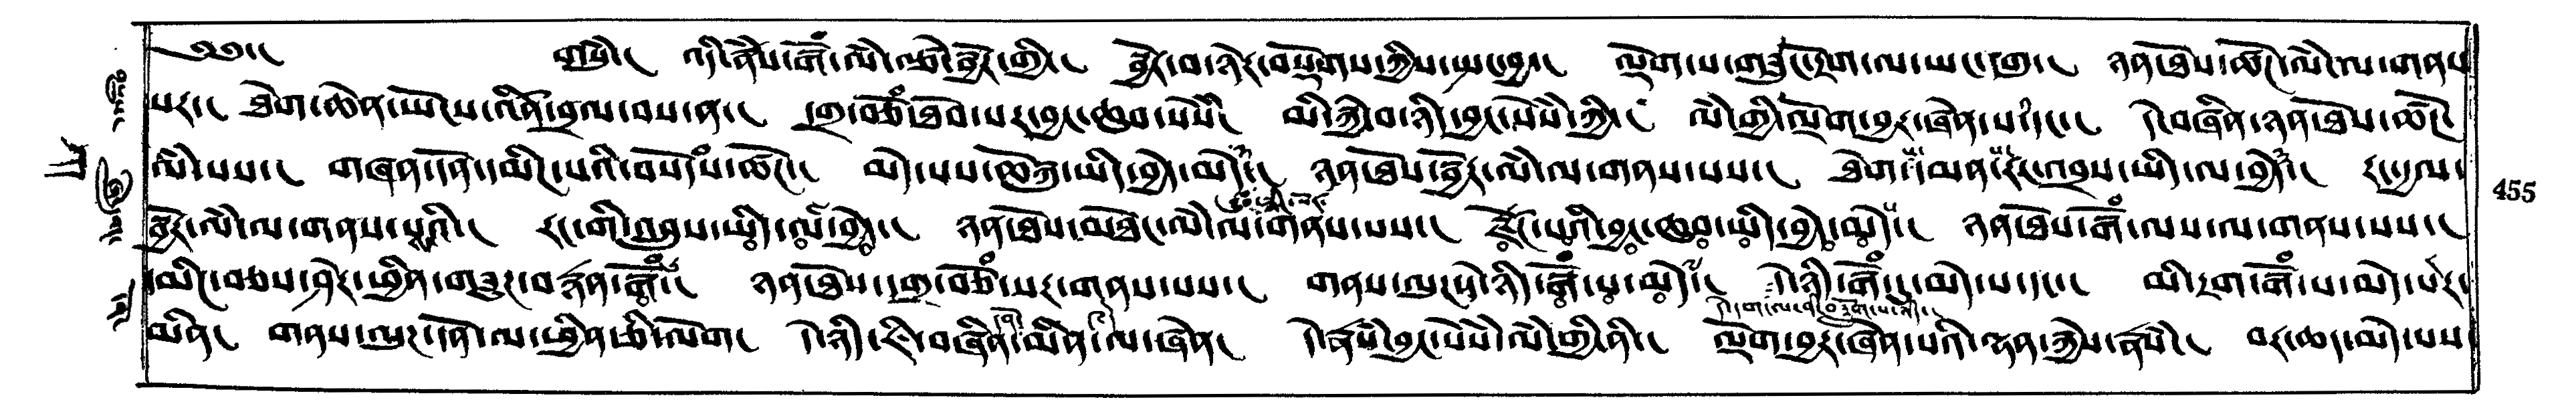གསུམ། །འདི་རྣམས་སྒོམ་ལམ་རྩེ་སྦྱོར་གྱི། །སྦྱོར་བ་ཉེར་བསྡོགས་ཀྱིས་སྤང་བྱ། །ལྡོག་པ་གཟུང་རྟོག་ལ་ཡང་དགུ། །ཉན་ཐོས་ཚོགས་ལམ་ལ་གནས་
པར། །ཐེག་ཆེན་ཡོངས་འཛིན་བྲལ་བས་ན། །དགྲ་བཅོམ་ཐོབ་པར་བྱང་ཆུབ་སེམས། །མི་སྐྱེ་བ་ཉིད་བྱང་སེམས་ཀྱི། །ལམ་གྱི་ལྡོག་བྱར་ཞེན་པ་དང་། །དེ་བཞིན་ཉན་ཐོས་ཚོགས་
ལམ་པས། །གཞན་དོན་དམིགས་པའི་བསོད་ནམས་ཚོགས། །མེད་པས་ཆོས་སྐུ་ཡིད་བྱེད་བྱང་ཆུབ་སྙིང་པོར་མེད། །ཉན་ཐོས་སྦྱོར་ལམ་ལ་གནས་པས། །ཐེག་དམན་རང་འབྲས་ཡིད་ལ་བྱེད། །རང་རྒྱལ་
སྦྱོར་ལམ་ལ་གནས་པས། །རང་གི་འབྲས་བུ་ཡིད་ལ་བྱེད། །ཉན་ཐོས་མཐོང་ལམ་ལ་གནས་པས། །རྫོགས་པའི་བྱང་ཆུབ་ཡིད་བྱེད་མེད། །ཉན་ཐོས་སྒོམ་ལམ་ལ་གནས་པས། །
དམིགས་བཅས་ཤེར་ཕྱིན་གཟུགས་བརྙན་སྒོམ། །ཉན་ཐོས་དགྲ་བཅོམ་སར་གནས་པས། །གནས་ལུགས་དེ་ཉིད་སྒོམ་པ་མེད། །དེ་དག་ལ་ནི་ལྡོག་པ་ཉིད། །དེ་ཉིད་སྒོམ་དུ་མེད་པ་དང་། །མི་རྟག་སྒོམ་པ་མེད་པར་
མིན། །གནས་ལུགས་དོན་ལ་ཕྱིན་ཅི་ལོག །དེ་ཉིད་ཇི་བཞིན་དོན་མིན་ལ་ཞེན། །དེ་རྣམས་བྱང་སེམས་ལམ་གྱི་ནི། །ལྡོག་བྱར་ཞེན་པའི་ལྷན་སྐྱེས་རྣམས། །བར་ཆད་མེད་པས་